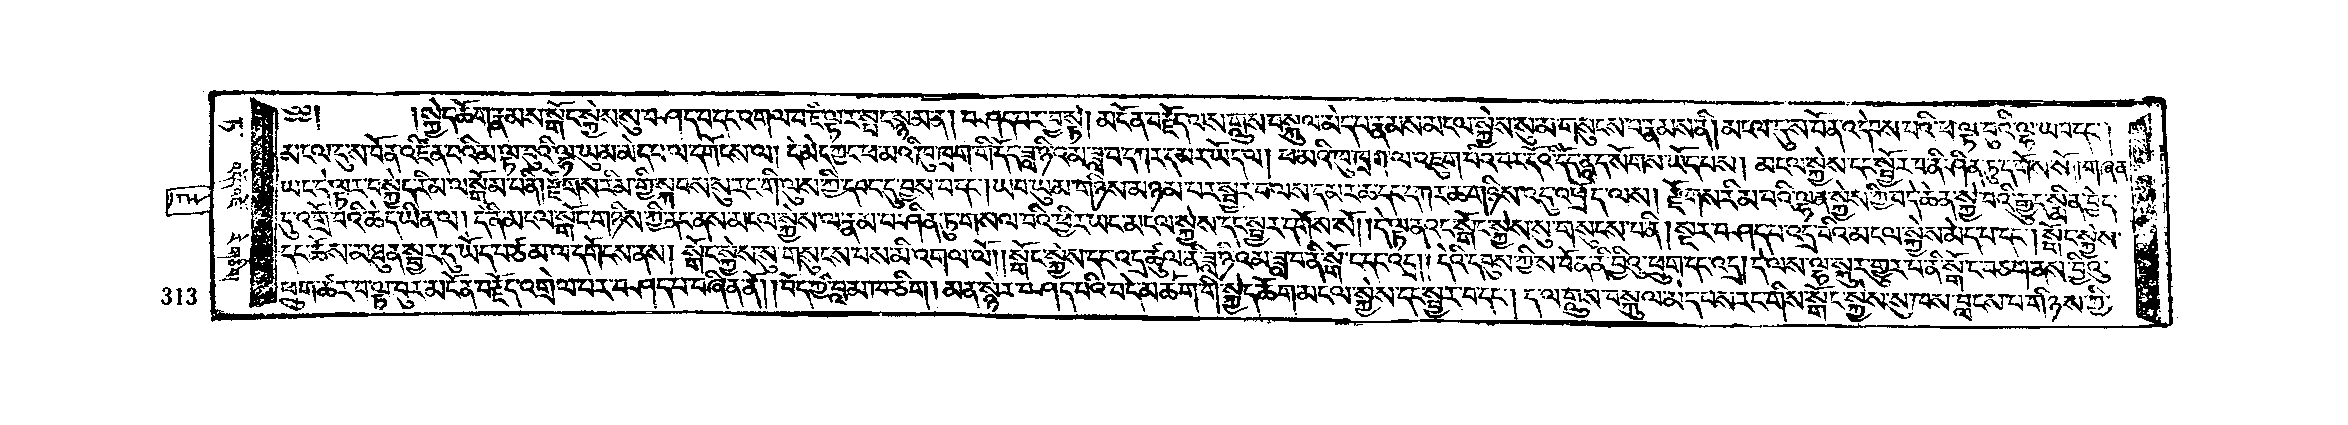༄༅། །སྐྱེད་ཆོག་རྣམས་སྒོང་སྐྱེས་སུ་བཤད་པ་དང་འགལ་བ་ཇི་ལྟར་སྤང་སྙམ་ན། བཤད་པར་བྱ་སྟེ། མངོན་བརྗོད་ལས་གླུས་བསྐུལ་མེད་པ་རྣམས་མངལ་སྐྱེས་སུ་མ་གསུངས་པ་རྣམས་ནི། མངལ་དུ་ས་བོན་འདེབས་པའི་ཕ་ལྟ་བུའི་ལྷར་ཡབ་དང་།
མངལ་དུ་ས་བོན་འཛིན་པའི་མ་ལྟ་བུའི་ལྷ་ཡུམ་མེད་པ་ལ་དགོངས་ལ། དེ་མེད་ཀྱང་ཕ་མའི་ཁུ་ཁྲག་གི་དོད་ཟླ་ཉི་འམ་ཟླ་བ་དཀར་དམར་ཡོད་ལ། ཕ་མའི་ཁུ་ཁྲག་ལ་འཇུག་པའི་བར་དོའི་དོད་ནཱ་ད་སོགས་ཡོད་པས། མངལ་སྐྱེས་དང་སྦྱོར་བ་ནི་ཤིན་ཏུ་དགོས་སོ། །གཞན་
ཡང་དེ་ལྟར་བསྐྱེད་རིམ་ལ་སྒོམ་པ་ནི། རྫོགས་རིམ་གྱི་སྐབས་སུ་རང་གི་ལུས་ཀྱི་དབང་དུ་བྱས་པ་དང་། ཡབ་ཡུམ་གཉིས་མཉམ་པར་སྦྱར་བ་ལས་དམར་ཆ་དང་དཀར་ཆ་གཉིས་འདུ་འཕྲོད་ལས། རྫོགས་རིམ་པའི་ལྷན་སྐྱེས་ཀྱི་བདེ་ཆེན་སྐྱེ་བའི་རྒྱུད་སྨིན་བྱེད་
དུ་འགྲོ་བའི་ཆེད་ཡིན་ལ། དེ་ནི་མངལ་སྒོང་གཉིས་ཀྱི་ནང་ནས་མངལ་སྐྱེས་ལ་རྣམ་པ་ཤིན་ཏུ་གསལ་བའི་ཕྱིར་ཡང་མངལ་སྐྱེས་དང་སྦྱར་དགོས་སོ། །དེ་ལྟ་ནའང་སྒོང་སྐྱེས་སུ་གསུངས་པ་ནི། སྔར་བཤད་པ་འདྲ་བའི་མངལ་སྐྱེས་མེད་པ་དང་། སྒོང་སྐྱེས་
དང་ཆོས་མཐུན་སྦྱར་དུ་ཡོད་པ་ཙམ་ལ་དགོངས་ནས། སྒོང་སྐྱེས་སུ་གསུངས་པས་མི་འགལ་ལོ། །སྒོང་སྐྱེས་དང་འདྲ་ཚུལ་ནི་ཟླ་ཉིའམ་ཟླ་བ་ནི་སྒོ་ང་དང་འདྲ། །དེའི་དབུས་ཀྱི་ས་བོན་ནི་བྱིའུ་ཕྲུག་དང་འདྲ། དེ་ལས་ལྷ་སྐུར་གྱུར་པ་ནི་སྒོ་ང་བཅག་ནས་བྱིའུ་
ཕྲུག་ཚར་བ་ལྟ་བུར་མངོན་བརྗོད་འགྲེལ་པར་བཤད་པ་བཞིན་ནོ། །བོད་ཀྱི་བླ་མ་ཁ་ཅིག །མན་སྙེར་བཤད་པའི་བདེ་མཆོག་གི་སྐྱེད་ཆོག་མངལ་སྐྱེས་དང་སྦྱར་བ་དང་། དེ་ལ་གླུས་བསྐུལ་མེད་པས་རང་གིས་སྒོང་སྐྱེས་སུ་ཁས་བླངས་པ་གཉིས་ཀྱི་